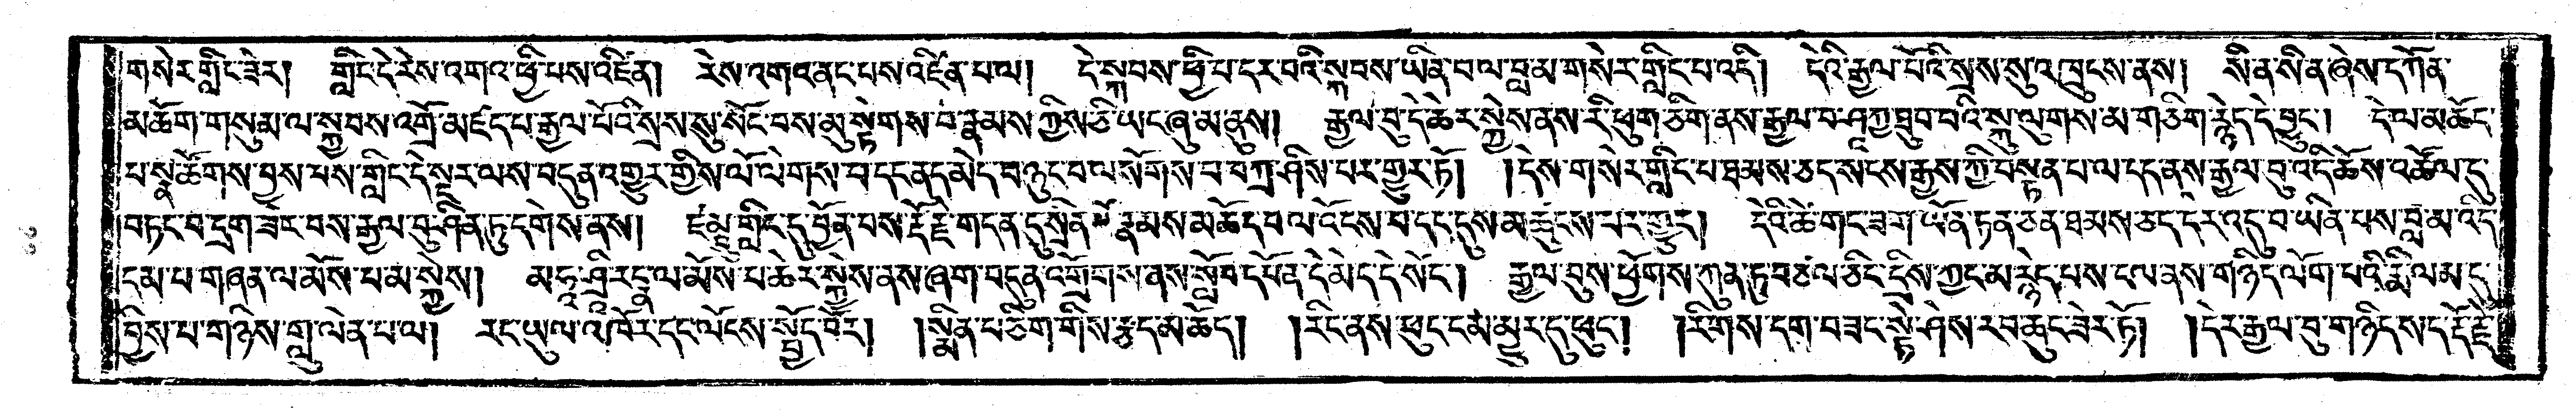གསེར་གླིང་ཟེར། གླིང་དེ་རེས་འགའ་ཕྱི་པས་འཛིན། རེས་འགའ་ནང་པས་འཛིན་པ་ལ། དེ་སྐབས་ཕྱི་པ་དར་བའི་སྐབས་ཡིན་པ་ལ་བླ་མ་གསེར་གླིང་པ་འདི། དེའི་རྒྱལ་པོའི་སྲས་སུ་འཁྲུངས་ནས། སི་ན་སི་ན་ཞེས་དཀོན་
མཆོག་གསུམ་ལ་སྐྱབས་འགྲོ་མཛད་པ་རྒྱལ་པོའི་སྲས་སུ་སོང་བས་མུ་སྟེགས་བ་རྣམས་ཀྱིས་ཅི་ཡང་ཞུ་མ་ནུས། རྒྱལ་བུ་དེ་ཆེར་སྐྱེས་ནས་རི་ཕུག་ཅིག་ནས་རྒྱལ་བ་ཤཱཀྱ་ཐུབ་པའི་སྐུ་ལུགས་མ་གཅིག་རྙེད་དེ་བྱུང་། དེ་ལ་མཆོད་
པ་སྣ་ཚོགས་བྱས་པས་གླིང་དེ་སྔར་ལས་བདུན་འགྱུར་གྱིས་ལོ་ལེགས་བ་དང་ནད་མེད་བ་ཉུང་བ་ལ་སོགས་པ་བཀྲ་ཤིས་པར་གྱུར་ཏོ། །དེས་གསེར་གླིང་པ་ཐམས་ཅད་སངས་རྒྱས་ཀྱི་བསྟན་པ་ལ་དད་ནས་རྒྱལ་བུ་འདི་ཆོས་འཚོལ་དུ་
བཏང་བ་དྲག་ཟེར་བས་རྒྱལ་བུ་ཤིན་ཏུ་དགེས་ནས། ཛམྦུ་གླིང་དུ་བྱོན་པས་རྡོ་རྗེ་གདན་དུ་སྲིན་པོ་རྣམས་མཆོད་པ་ལ་འོངས་པ་དད་དུས་མཚུངས་པར་གྱུར། དེའི་ཚེ་གང་ཟག་ཡོན་ཏན་ཅན་ཐམས་ཅད་དེར་འདུ་བ་ཡིན་པས་བླ་མ་འདི་
དམ་པ་གཞན་ལ་མོས་པ་མ་སྐྱེས། མཧཱ་ཤྲཱི་རངྣ་ལ་མོས་པ་ཆེར་སྐྱེས་ནས་ཞག་བདུན་འགྲོགས་ནས་སློབ་དཔོན་དེ་མེད་དོ་སོང་། རྒྱལ་བུས་ཕྱོགས་ཀུན་ཏུ་བཙལ་ཅིང་དྲིས་ཀྱང་མ་རྙེད་པས་ངལ་ནས་གཉིད་ལོག་པའི་རྨི་ལམ་དུ་
བྱིས་པ་གཉིས་གླུ་ལེན་པ་ལ། རང་ཡུལ་འཁོར་དང་ལོངས་སྤྱོད་བོར། །སྨིན་པ་ཅིག་གིས་རྩད་མཆོད། །རིང་ནས་ཕུང་ངམ་མྱུར་དུ་ཕུང་། །རིགས་དག་བཟང་སྟེ་ཤེས་རབ་ཆུང་ཟེར་ཏོ། །དེར་རྒྱལ་བུ་གཉིད་སད་རྡོ་རྗེ་